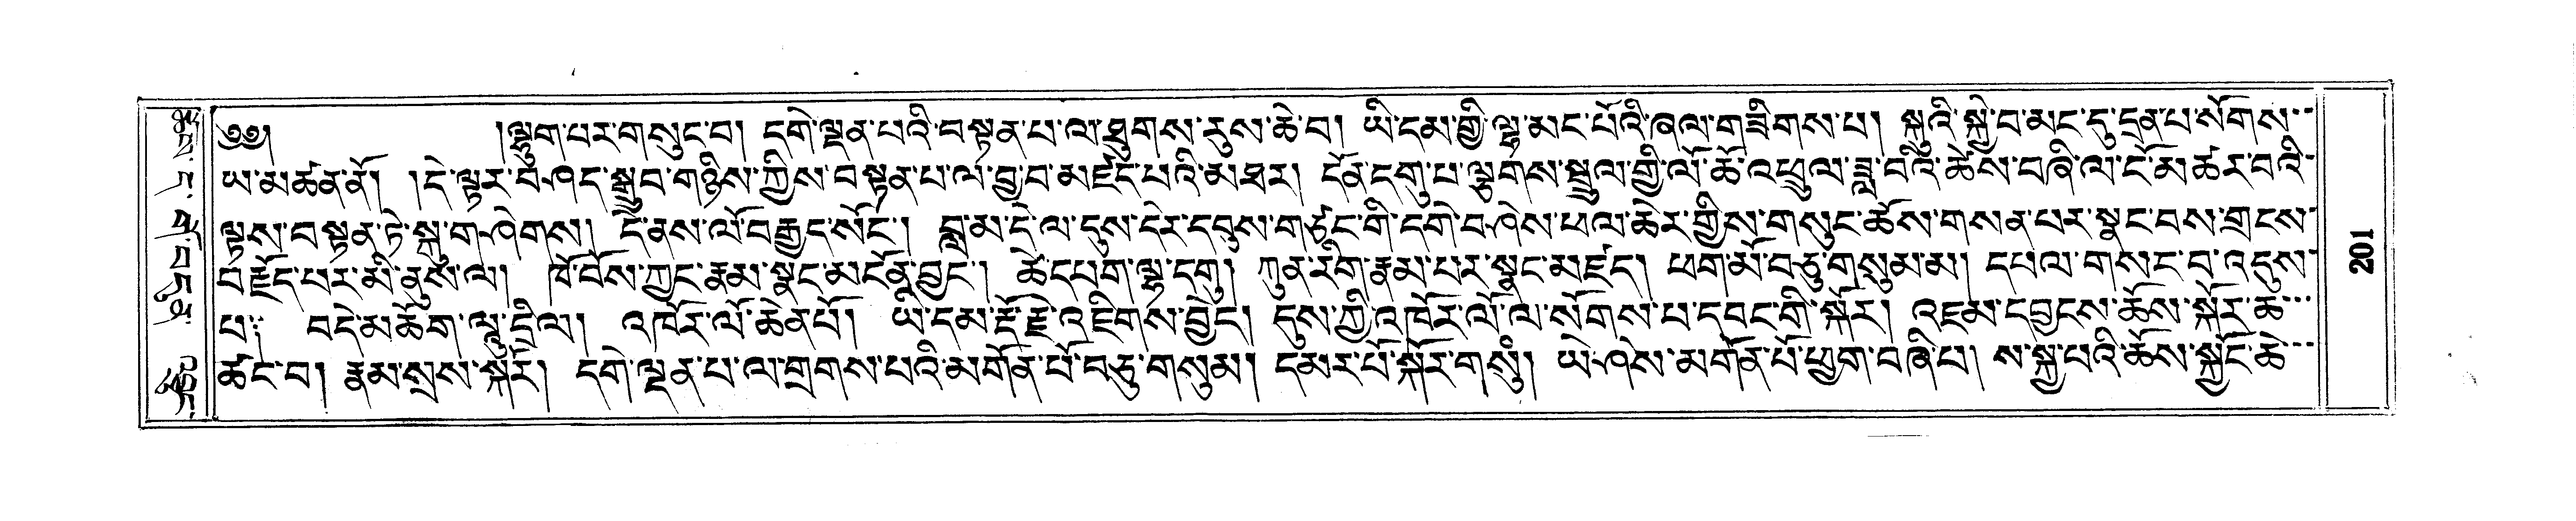༄༅། །ལྷུག་པར་གསུང་བ། དགེ་ལྡན་པའི་བསྟན་པ་ལ་ཐུགས་རུས་ཆེ་བ། ཡི་དམ་གྱི་ལྷ་མང་པོའི་ཞལ་གཟིགས་པ། སྐུའི་སྐྱེ་བ་མང་དུ་དྲན་པ་སོགས་
ཡ་མཚན་ནོ། །དེ་ལྟར་བཤད་སྒྲུབ་གཉིས་ཀྱིས་བསྟན་པ་ལ་བྱ་བ་མཛད་པའི་མཐར། དོན་དགུ་པ་ལྕགས་སྦྲུལ་གྱི་ལོ་ཆོ་འཕྲུལ་ཟླ་བའི་ཚེས་བཞི་ལ་ངོ་མཚར་བའི་
ལྟས་བསྟན་ཏེ་སྐུ་གཤེགས། དེ་ནས་ལོ་བརྒྱད་སོང་། བླ་མ་དེ་ལ་དུས་དེར་དབུས་གཙང་གི་དགེ་བཤེས་ཕལ་ཆེར་གྱིས་གསུང་ཆོས་གསན་པར་སྣང་བས་གྲངས་
བརྗོད་པར་མི་ནུས་ལ། ཁོ་བོས་ཀྱང་རྣམ་སྣང་མངོན་བྱང་། ཚེ་དཔག་ལྷ་དགུ། ཀུན་རིག་རྣམ་པར་སྣང་མཛད། ཕག་མོ་བཅུ་གསུམ་མ། དཔལ་གསང་བ་འདུས་
པ༑ བདེ་མཆོག་ལཱུ་དྲིལ། འཁོར་ལོ་ཆེན་པོ། ཡི་དམ་རྡོ་རྗེ་འཇིགས་བྱེད། དུས་ཀྱི་འཁོར་ལོ་ལ་སོགས་པ་དབང་གི་སྐོར། འཇམ་དབྱངས་ཆོས་སྐོར་ཆ་
ཚང་བ། རྣམ་སྲས་སྐོར། དགེ་ལྡན་པ་ལ་གྲགས་པའི་མགོན་པོ་བཅུ་གསུམ། དམར་པོ་སྐོར་གསུཾ། ཡེ་ཤེས་མགོན་པོ་ཕྱག་བཞི་པ། ས་སྐྱ་པའི་ཆོས་སྐྱོང་ཆེ་